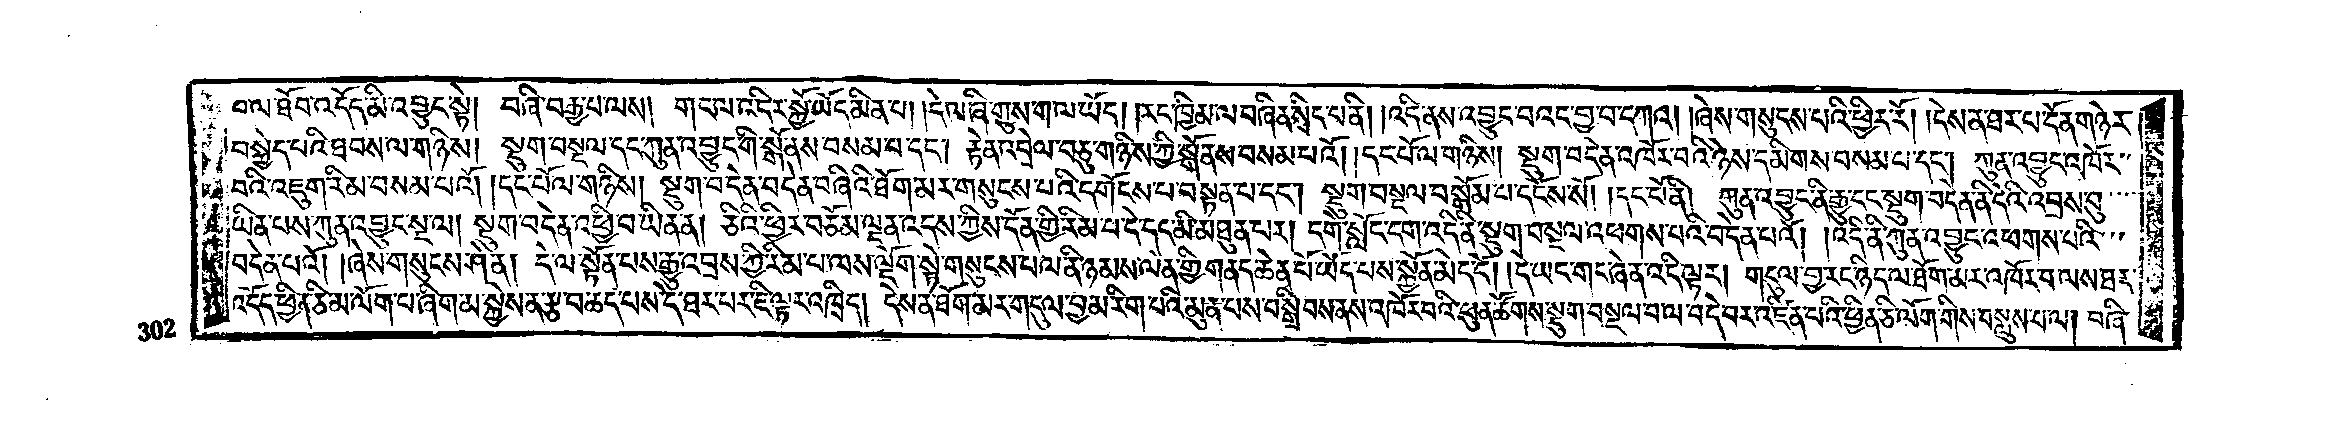བ་ལ་ཐོབ་འདོད་མི་འབྱུང་སྟེ། བཞི་བརྒྱ་པ་ལས། གང་ལ་འདིར་སྐྱོ་ཡོད་མིན་པ། །དེ་ལ་ཞི་གུས་ག་ལ་ཡོད། །རང་ཁྱིམ་ལ་བཞིན་སྲིད་པ་ནི། །འདི་ནས་འབྱུང་བའང་བྱ་བ་དཀའ། །ཞེས་གསུངས་པའི་ཕྱིར་རོ། །དེས་ན་ཐར་པ་དོན་གཉེར་
བསྐྱེད་པའི་ཐབས་ལ་གཉིས། སྡུག་བསྔལ་དང་ཀུན་འབྱུང་གི་སྒོ་ནས་བསམ་པ་དང་། རྟེན་འབྲེལ་བཅུ་གཉིས་ཀྱི་སྒོ་ནས་བསམ་པའོ། །དང་པོ་ལ་གཉིས། སྡུག་བདེན་འཁོར་བའི་ཉེས་དམིགས་བསམ་པ་དང་། ཀུན་འབྱུང་འཁོར་
བའི་འཇུག་རིམ་བསམ་པའོ། །དང་པོ་ལ་གཉིས། སྡུག་བདེན་བདེན་བཞིའི་ཐོག་མར་གསུངས་པའི་དགོངས་པ་བསྟན་པ་དང་། སྡུག་བསྔལ་བསྒོམ་པ་དངོས་སོ། །དང་པོ་ནི། ཀུན་འབྱུང་ནི་རྒྱུ་དང་སྡུག་བདེན་ནི་དེའི་འབྲས་བུ་
ཡིན་པས་ཀུན་འབྱུང་སྔ་ལ། སྡུག་བདེན་འཕྱི་བ་ཡིན་ན། ཅིའི་ཕྱིར་བཅོམ་ལྡན་འདས་ཀྱིས་དོན་གྱི་རིམ་པ་དེ་དང་མི་མཐུན་པར། དགེ་སློང་དག་འདི་ནི་སྡུག་བསྔལ་འཕགས་པའི་བདེན་པའོ། །འདི་ནི་ཀུན་འབྱུང་འཕགས་པའི་
བདེན་པའོ། །ཞེས་གསུངས་ཤེ་ན། དེ་ལ་སྟོན་པས་རྒྱུ་འབྲས་ཀྱི་རིམ་པ་ལས་ལྡོག་སྟེ་གསུངས་པ་ལ་ནི་ཉམས་ལེན་གྱི་གནད་ཆེན་པོ་ཡོད་པས་སྐྱོན་མེད་དོ། །དེ་ཡང་གང་ཞེ་ན་འདི་ལྟར། གདུལ་བྱ་རང་ཉིད་ལ་ཐོག་མར་འཁོར་བ་ལས་ཐར་
འདོད་ཕྱིན་ཅི་མ་ལོག་པ་ཞིག་མ་སྐྱེས་ན་རྩ་བ་ཆད་པས་དེ་ཐར་པར་ཇི་ལྟར་འཁྲིད། དེས་ན་ཐོག་མར་གདུལ་བྱ་མ་རིག་པའི་མུན་པས་བསྒྲིབས་ནས་འཁོར་བའི་ཕུན་ཚོགས་སྡུག་བསྔལ་བ་ལ་བདེ་བར་འཛིན་པའི་ཕྱིན་ཅི་ལོག་གིས་བསླུས་པ་ལ། བཞི་